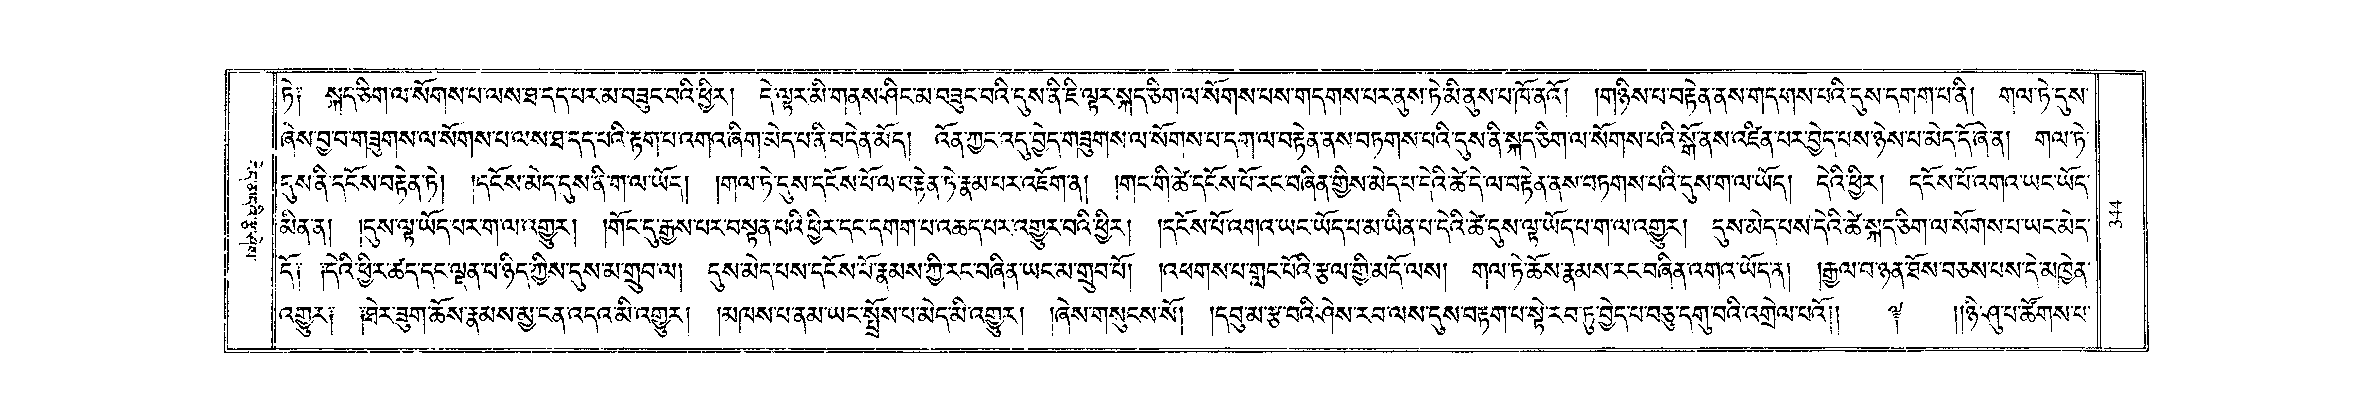ཏེ༑ སྐད་ཅིག་ལ་སོགས་པ་ལས་ཐ་དད་པར་མ་བཟུང་བའི་ཕྱིར། དེ་ལྟར་མི་གནས་ཤིང་མ་བཟུང་བའི་དུས་ནི་ཇི་ལྟར་སྐད་ཅིག་ལ་སོགས་པས་གདགས་པར་ནུས་ཏེ་མི་ནུས་པ་ཁོ་ནའོ། །གཉིས་པ་བརྟེན་ནས་གདགས་པའི་དུས་དགག་པ་ནི། གལ་ཏེ་དུས་
ཞེས་བྱ་བ་གཟུགས་ལ་སོགས་པ་ལས་ཐ་དད་པའི་རྟག་པ་འགའ་ཞིག་མེད་པ་ནི་བདེན་མོད། འོན་ཀྱང་འདུ་བྱེད་གཟུགས་ལ་སོགས་པ་དག་ལ་བརྟེན་ནས་བཏགས་པའི་དུས་ནི་སྐད་ཅིག་ལ་སོགས་པའི་སྒོ་ནས་འཛིན་པར་བྱེད་པས་ཉེས་པ་མེད་དོ་ཞེ་ན། གལ་ཏེ་
དུས་ནི་དངོས་བརྟེན་ཏེ། །དངོས་མེད་དུས་ནི་ག་ལ་ཡོད། །གལ་ཏེ་དུས་དངོས་པོ་ལ་བརྟེན་ཏེ་རྣམ་པར་འཇོག་ན། །གང་གི་ཚེ་དངོས་པོ་རང་བཞིན་གྱིས་མེད་པ་དེའི་ཚེ་དེ་ལ་བརྟེན་ནས་བཏགས་པའི་དུས་ག་ལ་ཡོད། དེའི་ཕྱིར། དངོས་པོ་འགའ་ཡང་ཡོད་
མིན་ན། །དུས་ལྟ་ཡོད་པར་ག་ལ་འགྱུར། །གོང་དུ་རྒྱས་པར་བསྟན་པའི་ཕྱིར་དང་དགག་པ་འཆད་པར་འགྱུར་བའི་ཕྱིར། །དངོས་པོ་འགའ་ཡང་ཡོད་པ་མ་ཡིན་པ་དེའི་ཚེ་དུས་ལྟ་ཡོད་པ་ག་ལ་འགྱུར། དུས་མེད་པས་དེའི་ཚེ་སྐད་ཅིག་ལ་སོགས་པ་ཡང་མེད་
དོ༑ ༑དེའི་ཕྱིར་ཚད་དང་ལྡན་པ་ཉིད་ཀྱིས་དུས་མ་གྲུབ་ལ། དུས་མེད་པས་དངོས་པོ་རྣམས་ཀྱི་རང་བཞིན་ཡང་མ་གྲུབ་པོ། །འཕགས་པ་གླང་པོའི་རྩལ་གྱི་མདོ་ལས། གལ་ཏེ་ཆོས་རྣམས་རང་བཞིན་འགའ་ཡོད་ན། །རྒྱལ་བ་ཉན་ཐོས་བཅས་པས་དེ་མཁྱེན་
འགྱུར༑ ༑ཐེར་ཟུག་ཆོས་རྣམས་མྱ་ངན་འདའ་མི་འགྱུར། །མཁས་པ་ནམ་ཡང་སྤྲོས་པ་མེད་མི་འགྱུར། །ཞེས་གསུངས་སོ། །དབུ་མ་རྩ་བའི་ཤེས་རབ་ལས་དུས་བརྟག་པ་སྟེ་རབ་ཏུ་བྱེད་པ་བཅུ་དགུ་པའི་འགྲེལ་པའོ།། ༈ །།ཉི་ཤུ་པ་ཚོགས་པ་